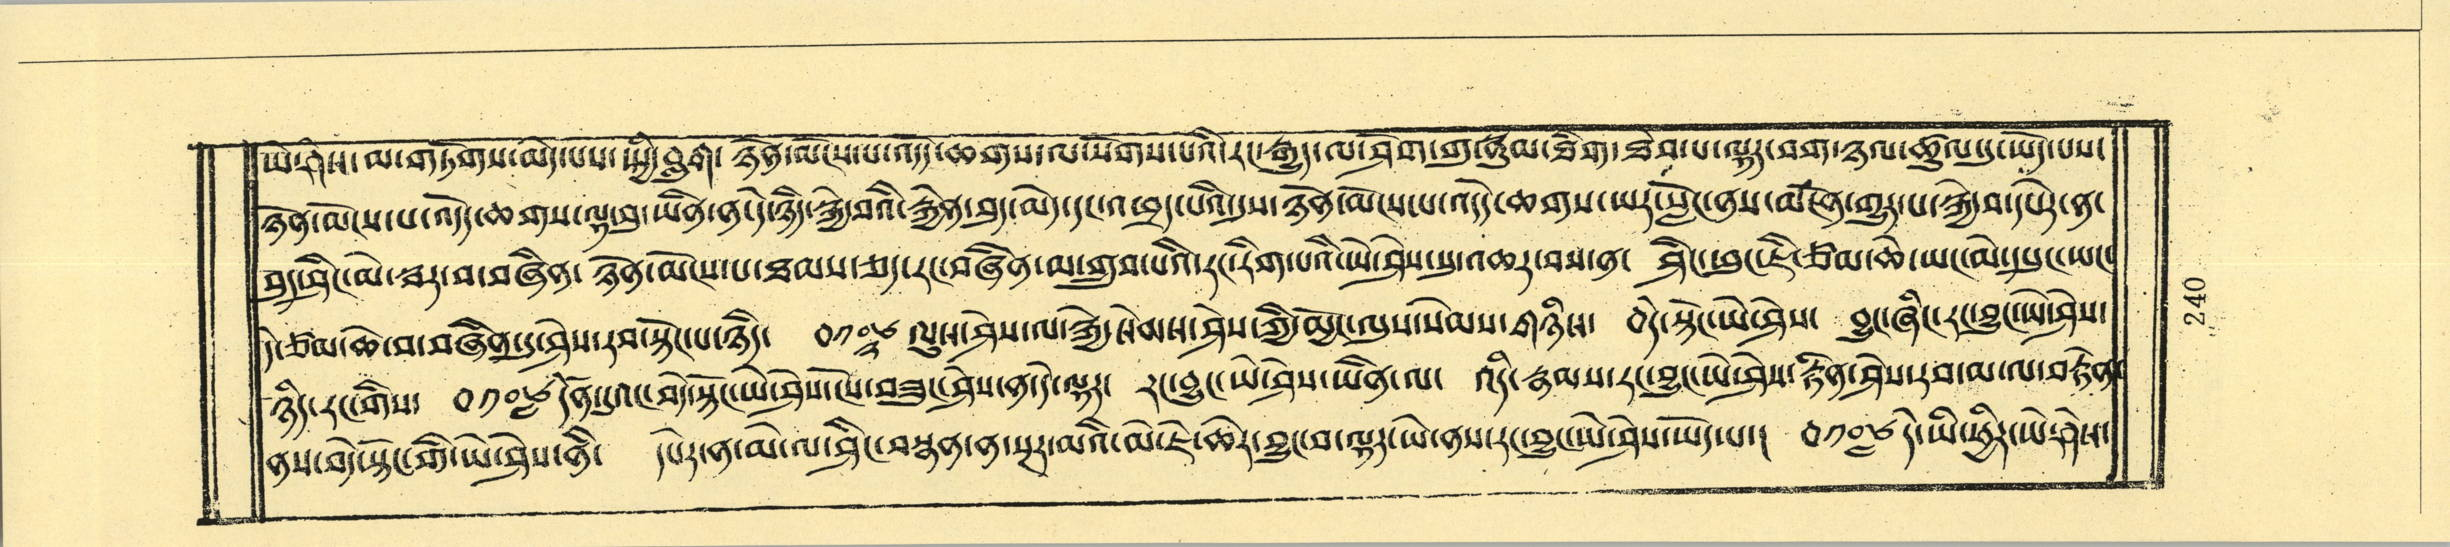༼ཡེ་ཤེས་༽མ་གཏོགས་མེད་པས་ ༼སྤྱི་བླུག་༽ཉོན་མོངས་པ་འདོད་ཆགས་ལ་སོགས་པའི་རང་རྒྱུད་ལ་ཤོག་གུ་སྣུམ་ཐིག་ཐེབ་པ་ལྟར་བག་ཉལ་ཚུལ་དུ་ཡོད་པས། 
ཉོན་མོངས་པ་འདོད་ཆགས་ལྟ་བུ་ཡིན་ན་དེ་ཉིད་སྐྱེ་བའི་རྐྱེན་བུད་མེད་དང་འཕྲད་པའི་དུས་ཉོན་མོངས་པ་འདོད་ཆགས་ཡར་སློང་ནས་མངོན་གྱུར་པ་སྐྱེ་བ་དཔེར་ན་
བུད་ཤིང་མེ་སྦར་བ་བཞིན། ཉོན་མོངས་པ་ཐམས་ཅད་རང་བཞིན་མ་གྲུབ་པའི་རང་རིག་པའི་ཡེ་ཤེས་སུ་འཆར་བས་ན། ཤིང་ཕུང་ཇི་ཙམ་ཆེ་ཡང་མེ་དཔུང་ཡང་
དེ་ཙམ་ཆེ་བ་བཞིན་དུ་ཤེས་རབ་སྟོང་པ་ཉིད་བ༡༠༦།༢ ༼ལུས་༽ཤེས་ལ་སྐྱེ་ ༼སེམས་༽ཤེས་ཀྱི་མྱོང་ལུས་སེམས་ ༼གཉིས་བདེ་༽སྟོང་ཡེ་ཤེས་ ༼བྱུང་ཞིང་༽རང་བྱུང་ཡེ་ཤེས་ 
༼ཉིད་༽རང་གིས་བ༡༠༦།༤ ༼དོན་དུ་འང་༽བདེ་སྟོང་ཡེ་ཤེས་ངོས་བཟུང་ཤེས་ན་ ༼དེ་ལྟར་༽ ༼རང་བྱུང་༽ཡེ་ཤེས་ཡིན་ལ། ༼འདི་༽རྣམས་རང་བྱུང་ཡེ་ཤེས་རྟེན་ཤེས་རབ་མ་ལ་བརྟེན་
ནས་བདེ་སྟོང་གི་ཡེ་ཤེས་ནི། དཔེར་ན་མེ་ལ་ཤིང་བསྣན་ན་སྔར་མའི་མེ་ཇེ་ཆེར་བྱུང་བ་ལྟར་ཡེ་ནས་རང་བྱུང་ཡེ་ཤེས་ཡོད་པས། བ༡༠༦།༤ ༼དེ་ཡི་ཕྱིར་ཡེ་ཤེས་༽